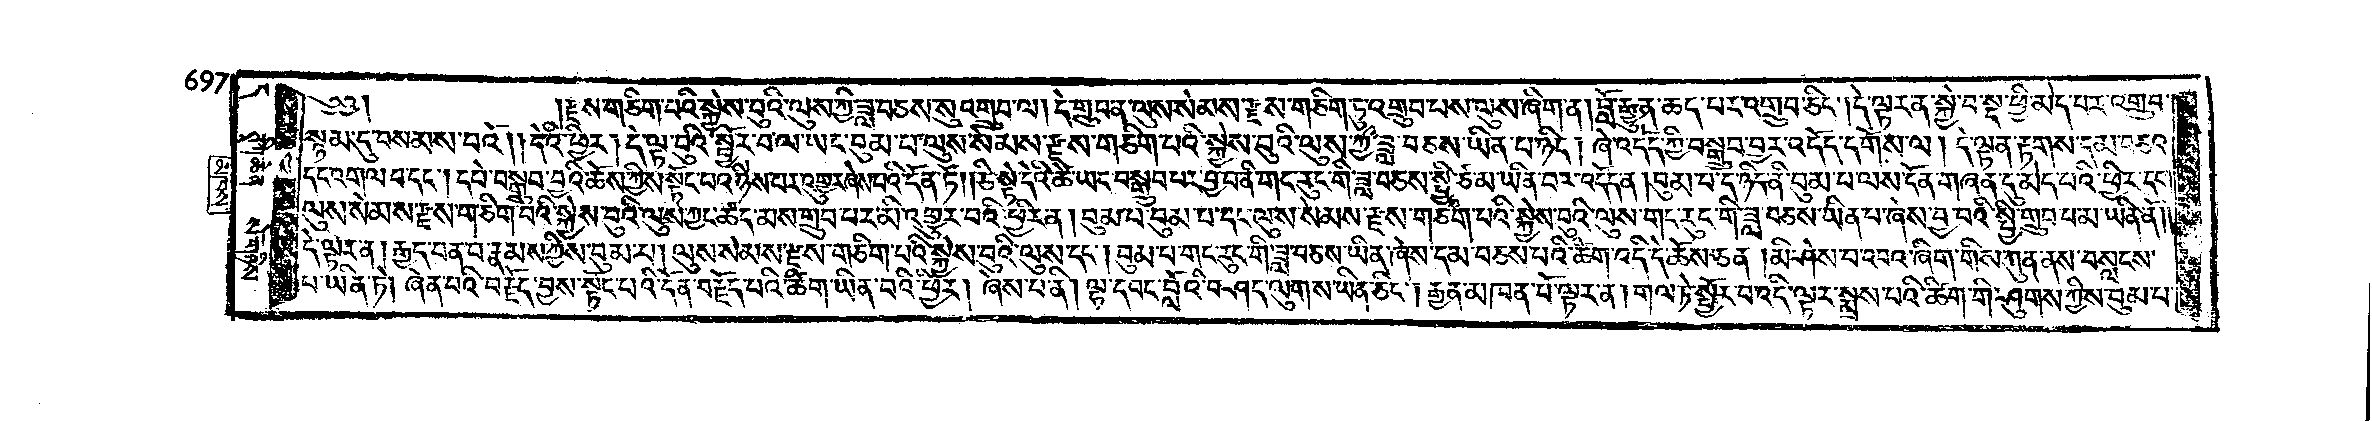༄༅། །རྫས་གཅིག་པའི་སྐྱེས་བུའི་ལུས་ཀྱི་ཟླ་བཅས་སུ་འགྲུབ་ལ། དེ་གྲུབ་ན་ལུས་སེམས་རྫས་གཅིག་ཏུ་འགྲུབ་པས་ལུས་ཞིག་ན། བློ་རྒྱུན་ཆད་པར་འགྲུབ་ཅིང་། དེ་ལྟར་ན་སྐྱེ་བ་སྔ་ཕྱི་མེད་པར་འགྲུབ་
སྙམ་དུ་བསམས་པའོ། །དེའི་ཕྱིར། དེ་ལྟ་བུའི་སྦྱོར་བ་ལ་ཡང་བུམ་པ་ལུས་སེམས་རྫས་གཅིག་པའི་སྐྱེས་བུའི་ལུས་ཀྱི་ཟླ་བཅས་ཡིན་པ་ཉིད། ཞེ་འདོད་ཀྱི་བསྒྲུབ་བྱར་འདོད་དགོས་ལ། དེ་ལྟ་ན་རྟགས་དམ་བཅའ་
དང་འགལ་བ་དང་། དཔེ་བསྒྲུབ་བྱའི་ཆོས་ཀྱིས་སྟོང་བའི་ཉེས་པར་འགྱུར་ཞེས་པའི་དོན་ཏོ། །ཅི་སྟེ་དེའི་ཚེ་ཡང་བསྒྲུབ་པར་བྱ་བ་ནི་གང་རུང་གི་ཟླ་བཅས་སྤྱི་ཙམ་ཡིན་པར་འདོད་ན། བུམ་པ་དེ་ཉིད་ནི་བུམ་པ་ལས་དོན་གཞན་དུ་མེད་པའི་ཕྱིར་དང་།
ལུས་སེམས་རྫས་གཅིག་པའི་སྐྱེས་བུའི་ལུས་ཀྱང་ཚད་མས་གྲུབ་པར་མི་འགྱུར་བའི་ཕྱིར་ན། བུམ་པ་བུམ་པ་དང་ལུས་སེམས་རྫས་གཅིག་པའི་སྐྱེས་བུའི་ལུས་གང་རུང་གི་ཟླ་བཅས་ཡིན་པ་ཞེས་བྱ་བའི་སྤྱི་གྲུབ་པ་མ་ཡིན་ནོ། །
དེ་ལྟར་ན། རྒྱང་ཕན་པ་རྣམས་ཀྱིས་བུམ་པ། ལུས་སེམས་རྫས་གཅིག་པའི་སྐྱེས་བུའི་ལུས་དང་། བུམ་པ་གང་རུང་གི་ཟླ་བཅས་ཡིན་ཞེས་དམ་བཅས་པའི་ཚིག་འདི་དེ་ཆོས་ཅན། མི་ཤེས་པ་འབའ་ཞིག་གིས་ཀུན་ནས་བསླངས་
པ་ཡིན་ཏེ། ཞེན་པའི་བརྗོད་བྱས་སྟོང་བའི་དོན་བརྗོད་པའི་ཚིག་ཡིན་པའི་ཕྱིར། ཞེས་པ་ནི། ལྷ་དབང་བློའི་བཤད་ལུགས་ཡིན་ཅིང་། རྒྱན་མཁན་པོ་ལྟར་ན། གལ་ཏེ་སྦྱོར་བ་འདི་ལྟར་སྨྲས་པའི་ཚིག་གི་ཤུགས་ཀྱིས་བུམ་པ་